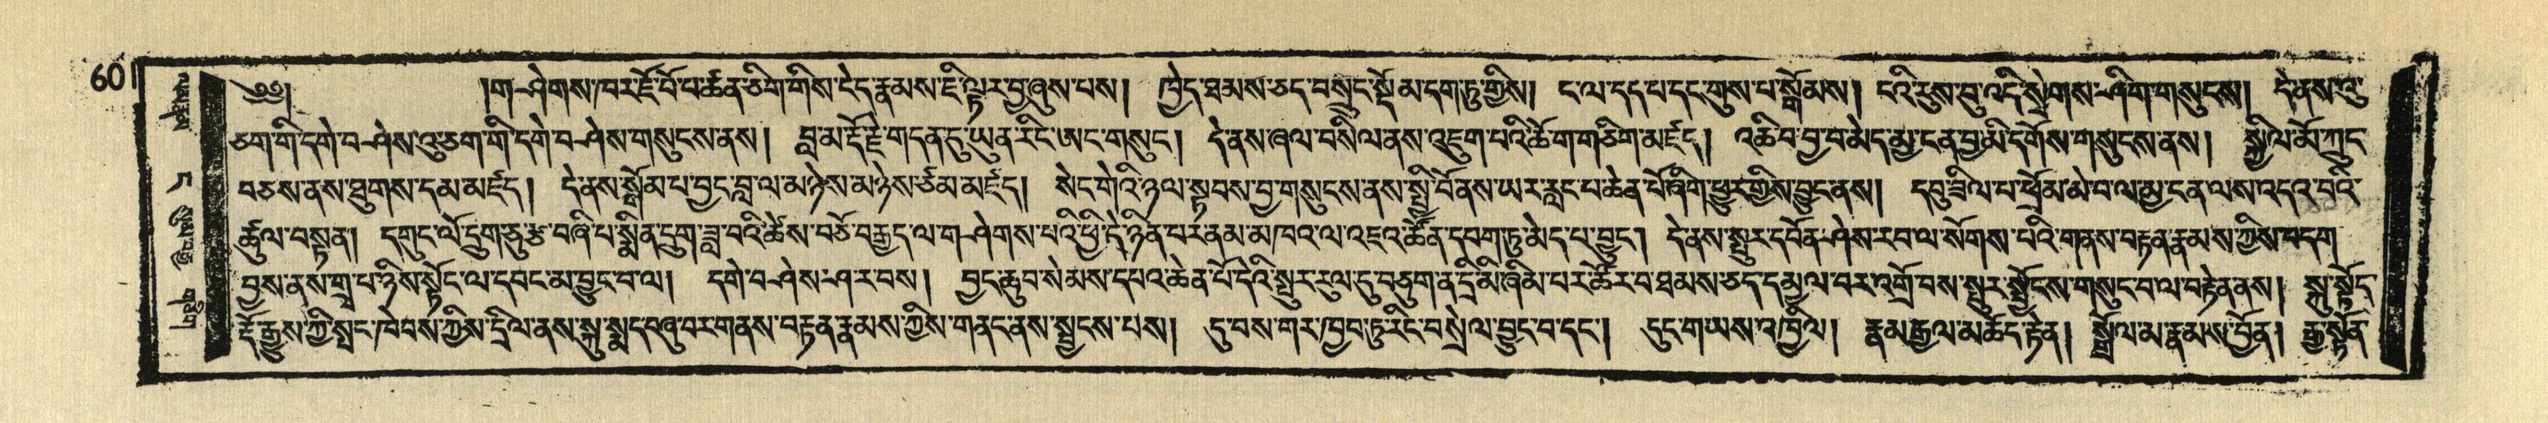༄༅། །གཤེགས་ཁར་ཇོ་བོ་པ་ཚན་ཅིག་གིས་ངེད་རྣམས་ཇི་ལྟར་བྱ་ཞུས་པས། ཁྱེད་ཐམས་ཅད་བསྲུང་སྡོམ་དག་ཏུ་གྱིས། ང་ལ་དད་པ་དང་གུས་པ་སྒོམས། ངའི་རུས་བུ་འདི་སྲེགས་ཤིག་གསུངས། དེ་ནས་འུ་
ཅག་གི་དགེ་བཤེས་འུ་ཅག་གི་དགེ་བཤེས་གསུངས་ནས། བླ་མ་རྡོ་རྗེ་གདན་དུ་ཡུན་རིང་ཨང་གསུང་། དེ་ནས་ཞལ་བསིལ་ནས་འཇུག་པའི་ཆོ་ག་གཅིག་མཛད། འཆི་བ་བྱ་བ་མེད་མྱ་ངན་བྱ་མི་དགོས་གསུངས་ནས། སྐྱིལ་མོ་ཀྲུང་
བཅས་ནས་ཐུགས་དམ་མཛད། དེ་ནས་སྒོམ་པ་བྱང་བླ་ལ་མཉེས་མཉེས་ཙམ་མཛད། སེང་གེའི་ཉལ་སྟབས་བྱ་གསུངས་ནས་སྤྱི་བོ་ནས་ཡར་རླང་པ་ཆེན་པོ་ཞིག་ཕྱུར་གྱིས་བྱུང་ནས། དབུ་ཟིལ་པ་ཕྲོམ་མེ་བ་ལ་མྱ་ངན་ལས་འདའ་བའི་
ཚུལ་བསྟན། དགུང་ལོ་དྲུག་ཅུ་རྩ་བཞི་པ་སྨིན་དྲུག་ཟླ་བའི་ཚེས་བཅོ་བརྒྱད་ལ་གཤེགས་པའི་ཕྱི་དེ་ཉིན་པར་ནམ་མཁའ་ལ་འཇའ་ཚོན་དཔག་ཏུ་མེད་པ་བྱུང་། དེ་ནས་སྤུར་དབོན་ཤེས་རབ་ལ་སོགས་པའི་གནས་བརྟན་རྣམས་ཀྱིས་བདག་
བྱས་ནས་གྲྭ་པ་ཉིས་སྟོང་ལ་དབང་མ་བྱུང་བ་ལ། དགེ་བཤེས་ཤ་ར་བས། བྱང་ཆུབ་སེམས་དཔའ་ཆེན་པོ་དེའི་སྤུར་རུལ་དུ་བཅུག་ན་དྲི་མི་ཞིམ་པར་ཚོར་བ་ཐམས་ཅད་དམྱལ་བར་འགྲོ་བས་སྤུར་སྤྱོངས་གསུང་བ་ལ་བརྟེན་ནས། སྐུ་སྟོད་
རྡོ་རྒྱུས་ཀྱི་སྤང་ཁེབས་ཀྱིས་དྲིལ་ནས་སྐུ་སྨད་བཞུ་བར་གནས་བརྟན་རྣམས་ཀྱིས་གནང་ནས་སྦྱངས་པས། དུ་བས་གར་ཁྱབ་ཏུ་རིང་བསྲེལ་བྱུང་བ་དང་། དུང་གཡས་འཁྱིལ། རྣམ་རྒྱལ་མཆོད་རྟེན། སྒྲོལ་མ་རྣམས་བྱོན། རྒྱ་སྟོན་